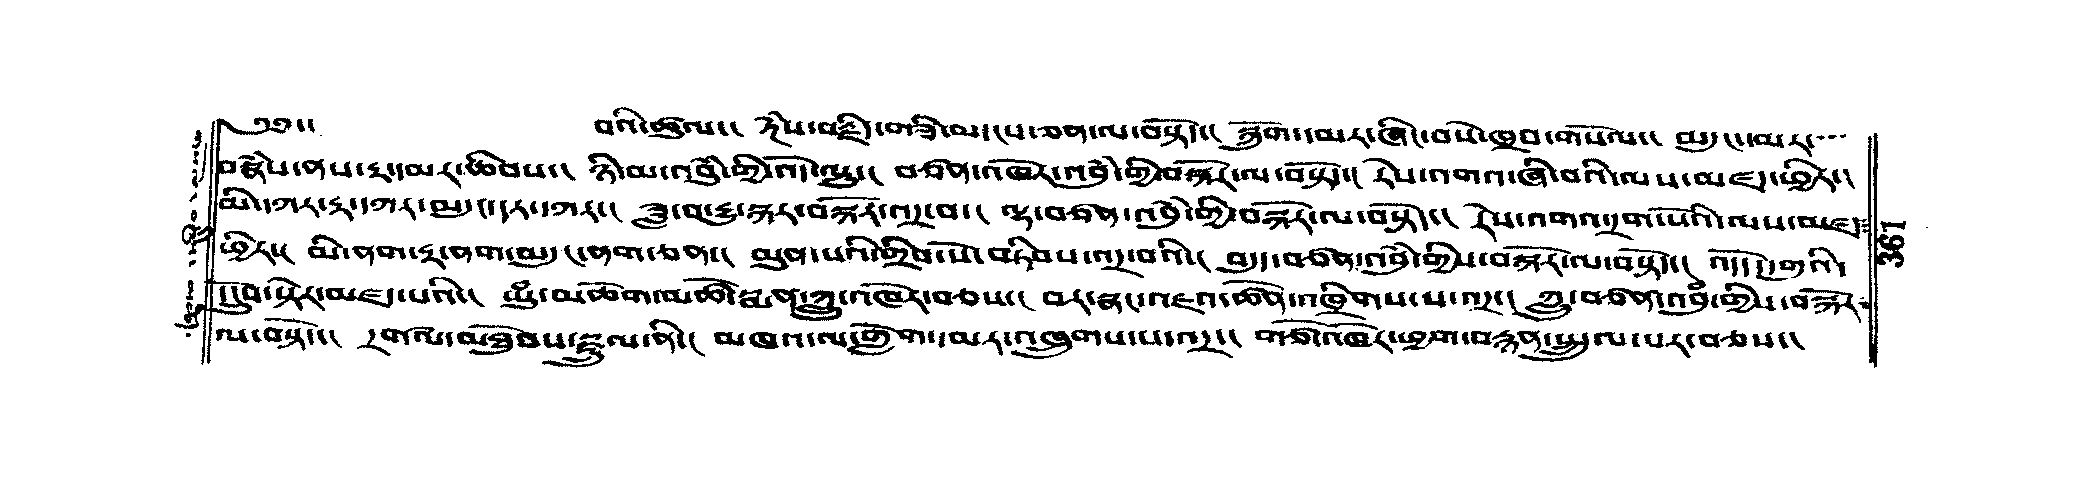པའི་ཚུལ། །རྔམས་བརྗིད་གཟི་མདངས་ཅན་ལ་བསྟོད། །སྐུ་མདོག་དམར་ཞིང་བསེ་ཁྲབ་གསོལ། །མདུང་དམར་
བསྣམས་ནས་རྟ་དམར་ཆིབས། །ཉི་མ་འབུམ་གྱི་འོད་ལྟ་བུ། །བཙན་འཁོར་འབུམ་གྱི་བསྐོར་ལ་བསྟོད། །རེས་འགའ་ཞི་བའི་ལས་མཛད་ཕྱིར། །
མི་དཀར་རྟ་དཀར་མདུང་དར་དཀར། །ཟླ་བ་རྒྱུ་སྐར་བསྐོར་འདྲ་བ། །ལྷ་བཙན་འབུམ་གྱི་བསྐོར་ལ་བསྟོད། །རེས་འགའ་དྲག་པོའི་ལས་མཛད་
ཕྱིར། མི་ནག་རྟ་ནག་མདུང་ནག་ཅན། །མུན་པའི་གྲིབ་སོ་བཏིབས་འདྲ་བའི། །བདུད་བཙན་འབུམ་གྱིས་བསྐོར་ལ་བསྟོད། །འདོད་དགུའི་
དངོས་གྲུབ་སྟེར་མཛད་པའི། །ཡུམ་མཆོག་མཚོ་སྨན་ཀླུ་འཁོར་བཅས། །བར་སྣང་འཇའ་ཚོན་འཁྲིགས་པ་འདྲ། །ཀླུ་བཙན་འབུམ་གྱིས་བསྐོར་
ལ་བསྟོད། །དྲག་རྩལ་མཐུ་སྟོབས་རྫུ་འཕྲུལ་ནི། །མཁའ་ལ་གློག་དམར་འཁྲུགས་པ་འདྲ། །གཙོ་འཁོར་ཕྱག་བརྙན་སྤྲུལ་པར་བཅས། །